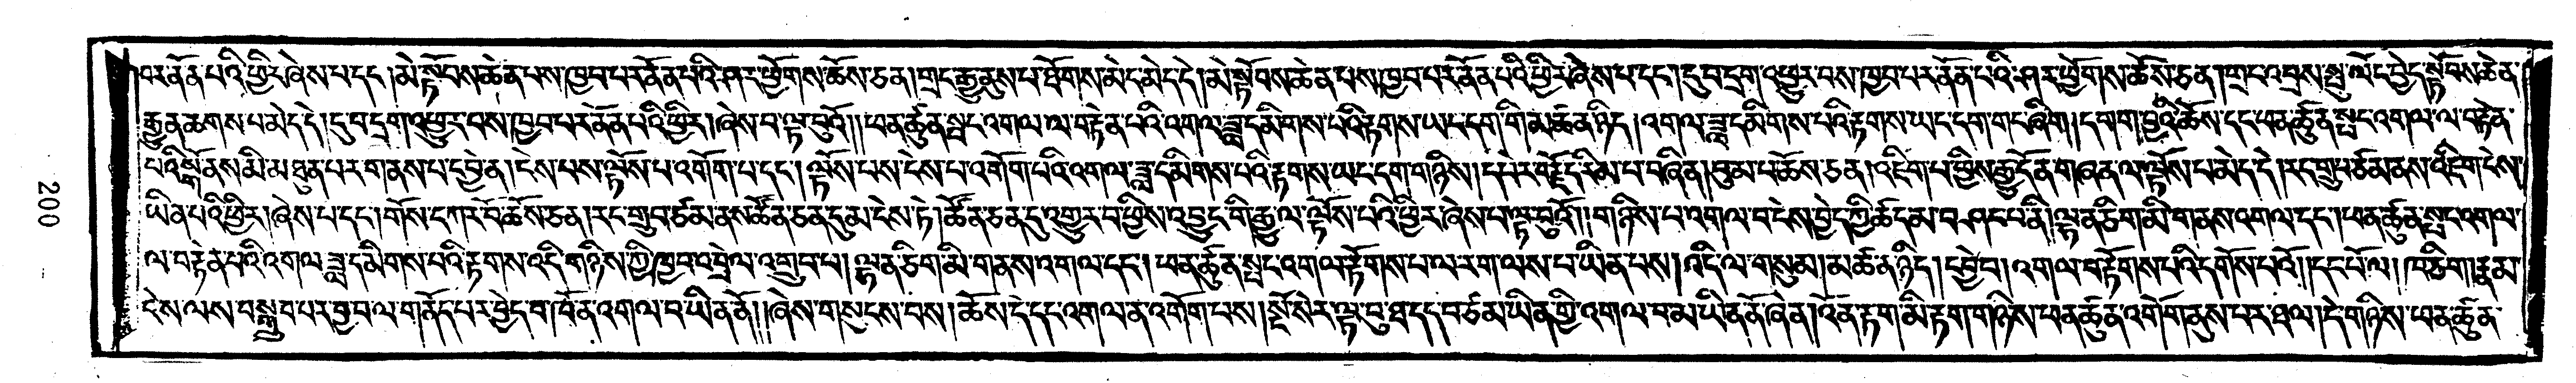པར་ནོན་པའི་ཕྱིར་ཞེས་པ་དང་། མེ་སྟོབས་ཆེན་པས་ཁྱབ་པར་ནོན་པའི་ཤར་ཕྱོགས་ཆོས་ཅན། གྲང་རྒྱུ་ནུས་པ་ཐོགས་མེད་མེད་དེ། མེ་སྟོབས་ཆེན་པས་ཁྱབ་པར་ནོན་པའི་ཕྱིར་ཞེས་པ་དང་། དུ་བ་དྲག་འཕྱུར་བས་ཁྱབ་པར་ནོན་པའི་ཤར་ཕྱོགས་ཆོས་ཅན། གྲང་འབྲས་སྤུ་ལོང་བྱེད་སྟོབས་ཆེན་
རྒྱུན་ཆགས་པ་མེད་དེ། དུ་བ་དྲག་འཕྱུར་བས་ཁྱབ་པར་ནོན་པའི་ཕྱིར། ཞེས་པ་ལྟ་བུའོ། །ཕན་ཚུན་སྤང་འགལ་ལ་བརྟེན་པའི་འགལ་ཟླ་དམིགས་པའི་རྟགས་ཡང་དག་གི་མཚན་ཉིད། འགལ་ཟླ་དམིགས་པའི་རྟགས་ཡང་དག་གང་ཞིག །དགག་བྱའི་ཆོས་དང་ཕན་ཚུན་སྤང་འགལ་ལ་བརྟེན་
པའི་སྒོ་ནས་མི་མཐུན་པར་གནས་པ་དབྱེ་ན། ངེས་པས་ལྟོས་པ་འགོག་པ་དང་། ལྟོས་པས་ངེས་པ་འགོག་པའི་འགལ་ཟླ་དམིགས་པའི་རྟགས་ཡང་དག་གཉིས། དཔེར་བརྗོད་རིམ་པ་བཞིན། བུམ་པ་ཆོས་ཅན། འཇིག་པ་ཕྱིས་རྒྱུ་དོན་གཞན་ལ་ལྟོས་པ་མེད་དེ། རང་གྲུབ་ཙམ་ནས་འཇིག་ངེས་
ཡིན་པའི་ཕྱིར། ཞེས་པ་དང་། གོས་དཀར་པོ་ཆོས་ཅན། རང་གྲུབ་ཙམ་ནས་ཚོན་ཅན་དུ་མ་ངེས་ཏེ། ཚོན་ཅན་དུ་འགྱུར་བ་ཕྱིས་འབྱུང་གི་རྒྱུ་ལ་ལྟོས་པའི་ཕྱིར་ཞེས་པ་ལྟ་བུའོ། །གཉིས་པ་འགལ་བ་ངེས་བྱེད་ཀྱི་ཚད་མ་བཤད་པ་ནི། ལྷན་ཅིག་མི་གནས་འགལ་དང་། ཕན་ཚུན་སྤང་འགལ་
ལ་བརྟེན་པའི་འགལ་ཟླ་དམིགས་པའི་རྟགས་འདི་གཉིས་ཀྱི་ཁྱབ་འབྲེལ་འགྲུབ་པ། ལྷན་ཅིག་མི་གནས་འགལ་དང་། ཕན་ཚུན་སྤང་འགལ་རྟོགས་པ་ལ་རག་ལས་པ་ཡིན་པས། འདི་ལ་གསུམ། མཚན་ཉིད། དབྱེ་བ། འགལ་བ་རྟོགས་པའི་དགོས་པའོ། །དང་པོ་ལ། ཁ་ཅིག་རྣམ་
ངེས་ལས་བསྒྲུབ་པར་བྱ་བ་ལ་གནོད་པར་བྱེད་པ་ཁོ་ན་འགལ་བ་ཡིན་ནོ། །ཞེས་གསུངས་པས། ཆོས་དེ་དང་འགལ་ན་འགོག་པས། སྔོ་སེར་ལྟ་བུ་ཐ་དད་པ་ཙམ་ཡིན་གྱི་འགལ་བ་མ་ཡིན་ནོ་ཞེ་ན། འོ་ན་རྟག་མི་རྟག་གཉིས་ཕན་ཚུན་འགོག་ནུས་པར་ཐལ། དེ་གཉིས་ཕན་ཚུན་